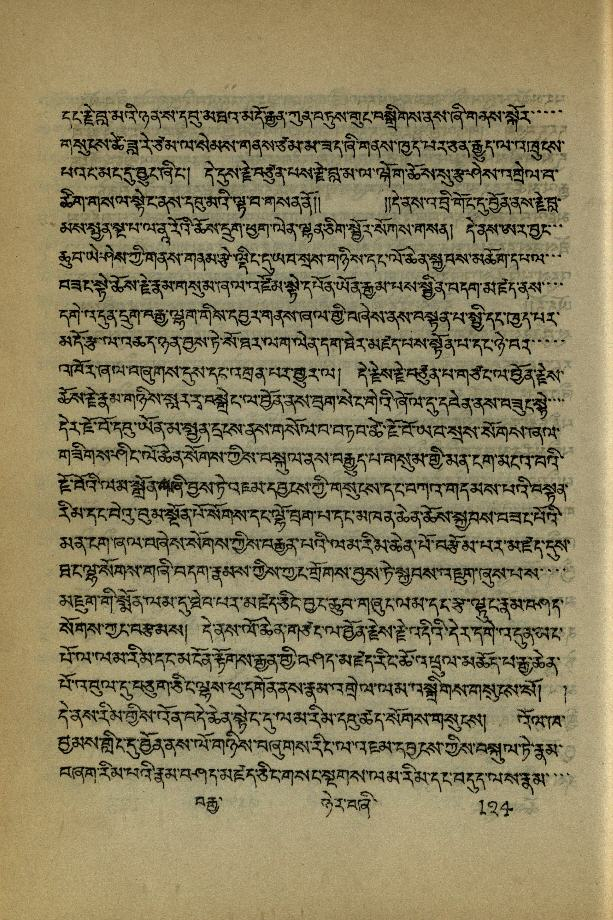དང་རྗེ་བླ་མའི་ཉན་ས་དབུ་མཐའ་མདོ་རྒྱན་ཀུན་བཏུས་གུང་བསྒྲིགས་ནས་ཞི་གནས་སྐོར་
གསུངས་ཚེ་ཟླ་རེ་ཙམ་ལ་སེམས་གནས་ཙམ་མ་ཟད་ཞི་གནས་ཁྱད་པར་ཅན་རྒྱུད་ལ་འཁྲུངས་
པའང་མང་དུ་བྱུང་ཞིང་། དེ་དུས་རྗེ་བཙུན་པས་རྗེ་བླ་མ་ལ་ལྐོག་ཆོས་སུ་རྩ་ཤེས་འགྲེལ་བ་
ཚིག་གསལ་སྟེང་ནས་དབུ་མའི་ལྟ་བ་གསན་ནོ།། །།དེ་ནས་འབྲི་གོང་དུ་བྱོན་ནས་རྗེ་བླ་
མས་སྤྱན་སྔ་པ་ལ་ནཱ་རོའི་ཆོས་དྲུག་ཕྱག་ལེན་ལྷན་ཅིག་སྦྱོར་སོགས་གསན། དེ་ནས་ཨ་ར་བྱང་
ཆུབ་ཡེ་ཤེས་ཀྱི་གནས་གནམ་རྩེ་ལྡིང་དུ་ཡབ་སྲས་གཉིས་དང་ལོ་ཆེན་སྐྱབས་མཆོག་དཔལ་
བཟང་སྟེ་ཆོས་རྗེ་རྣམ་གསུམ་ཞལ་འཛོམ་སྟེ་དཔོན་ཡོན་རྒྱམ་པས་སྦྱིན་བདག་མཛད་ནས་
དགེ་འདུན་དྲུག་བརྒྱ་ལྷག་གིས་དབྱར་གནས་ཞལ་གྱི་བཞེས་ནས་བསྟན་པ་སྤྱི་དང་ཁྱད་པར་
མདོ་རྩ་ལ་འཆད་ཉན་བྱས་ཏེ་སོ་ཐར་ལག་ལེན་དག་ཐེར་མཛད་པས་སྟོན་པ་དང་ཉེ་བར་
འཁོར་ཞལ་བཞུགས་དུས་དང་འགྲན་པར་གྱུར་ལ། དེ་རྗེས་རྗེ་བཙུན་པ་གཙང་ལ་བྱོན་རྗེས་
ཆོས་རྗེ་རྣམ་གཉིས་སླར་རྭ་བསྒྲེང་ལ་བྱོན་ནས་བྲག་སེང་གེའི་ཞོལ་དུ་དབེན་ནས་བཟུང་སྟེ་
དེར་ཇོ་བོ་དབུ་ཡོན་མ་སྤྱན་དྲངས་ནས་གསོལ་བ་བཏབ་ཚེ་ཇོ་བོ་ཡབ་སྲས་སོགས་ཞལ་
གཟིགས་ཤིང་ལོ་ཆེན་སོགས་ཀྱིས་བསྐུལ་ནས་བརྒྱུད་པ་གསུམ་གྱི་མན་ངག་མངའ་བའི་
ཇོ་བོའི་ལམ་སྒྲོན་གཞི་བྱས་ཏེ་འཇམ་དབྱངས་ཀྱི་གསུངས་དང་བཀའ་གདམས་པའི་བསྟན་
རིམ་དང་བེའུ་བུམ་སྔོན་པོ་ལ་སོགས་པ་དང་ལྷོ་བྲག་པ་དང་མཁན་ཆེན་ཆོས་སྐྱབས་བཟང་པོའི་
མན་ངག་ཞལ་བཞེས་སོགས་ཀྱིས་བརྒྱན་པའི་ལམ་རིམ་ཆེན་པོ་བརྩོམ་པར་མཛད་དུས་
ཐང་ལྷ་སོགས་གཞི་བདག་རྣམས་ཀྱིས་ཀྱང་གྲོགས་བྱས་ཏེ་སྐྱབས་འཇུག་ཞུས་པས་
མཇུག་གི་སྨོན་ལམ་དུ་ཐེབ་པར་མཛད་ཅིང་བྱང་ཆུབ་གཞུང་ལམ་དང་རྩ་ལྟུང་རྣམ་བཤད་
སོགས་ཀྱང་བརྩམས། དེ་ནས་ལོ་ཆེན་གཙང་ལ་བྱོན་རྗེས་རྗེ་འདིའི་དེར་དགེ་འདུན་མང་
པོ་ལ་ལམ་རིམ་དང་མངོན་རྟོགས་རྒྱན་གྱི་བཤད་མཛད་རིང་ཆོ་འཕྲུལ་མཆོད་པ་རྒྱ་ཆེན་
པོ་འབུལ་དུ་བཅུག་ཅིང་ལྷས་ཕུ་དགོན་ནས་རྣམ་འགྲེལ་ལམ་འྶྒྲིགས་གསུངས་སོ། །
དེ་ནས་རིམ་གྱིས་འོ་ན་བདེ་ཆེན་སྟེང་དུ་ལམ་རིམ་དབུ་ཚད་སོགས་གསུངས། འོལ་ཁ་
བྱམས་གླིང་དུ་བྱོན་ནས་ལོ་གཉིས་བཞུགས་རིང་ལ་འཇམ་དབྱངས་ཀྱིས་བསྐུལ་ཏེ་རྣམ་
བཞག་རིམ་པའི་རྣམ་བཤད་མཛད་ཅིང་གསང་སྔགས་ལམ་རིམ་དང་བདུད་ལས་རྣམ་